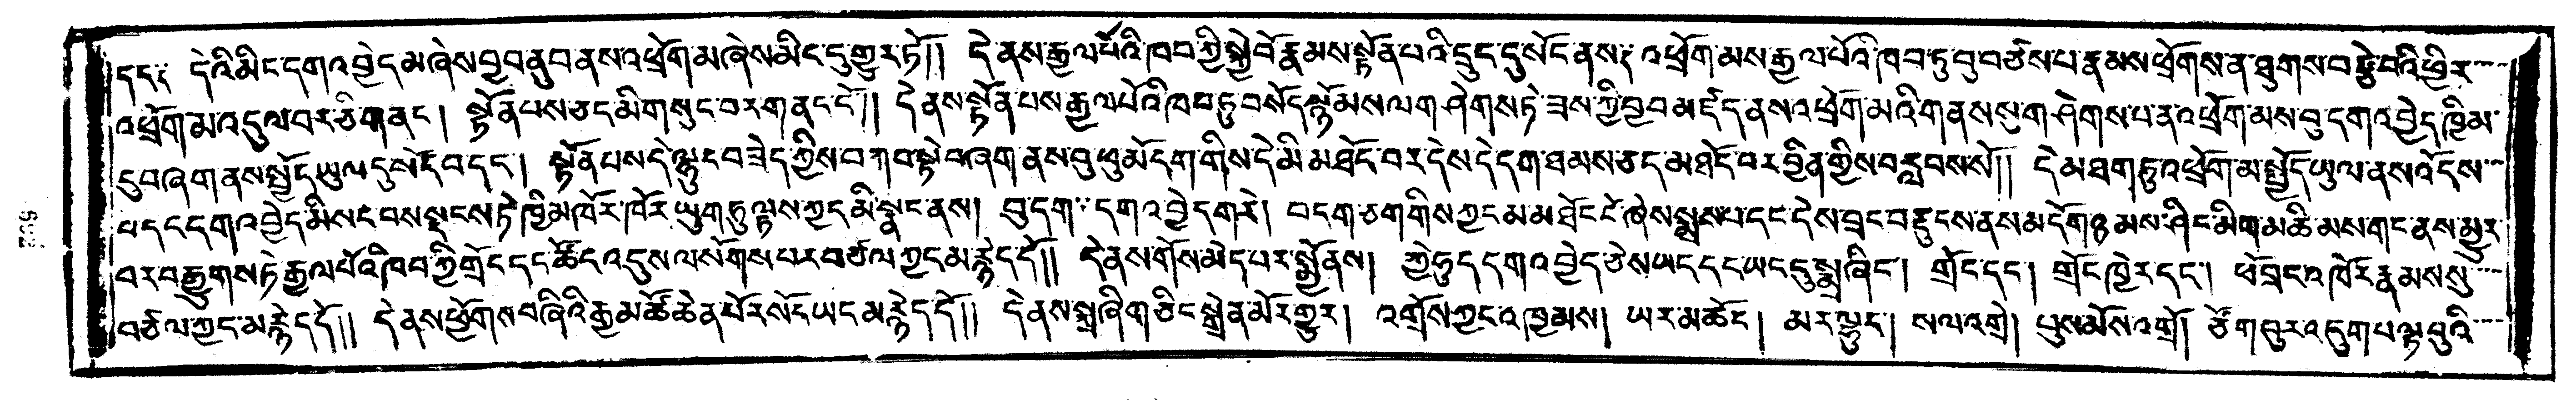དང༑ དེའི་མིང་དགའ་བྱེད་མ་ཞེས་བྱ་བ་ནུབ་ནས་འཕྲོག་མ་ཞེས་མིང་དུ་གྱུར་ཏོ། །དེ་ནས་རྒྱལ་པོའི་ཁབ་ཀྱི་སྐྱེ་བོ་རྣམས་སྟོན་པའི་དྲུང་དུ་སོང་ནས༑ འཕྲོག་མས་རྒྱལ་པོའི་ཁབ་ཏུ་བུ་བཙས་པ་རྣམས་ཕྲོགས་ན་ཐུགས་བརྩེ་བའི་ཕྱིར་
འཕྲོག་མ་འདུལ་བར་ཅིག་གནང་། སྟོན་པས་ཅང་མི་གསུང་བར་གནང་ངོ། །དེ་ནས་སྟོན་པས་རྒྱལ་པོའི་ཁབ་ཏུ་བསོད་སྙོམས་ལ་གཤེགས་ཏེ་ཟས་ཀྱི་བྱ་བ་མཛད་ནས་འཕྲོག་མའི་གནས་སུ་གཤེགས་པ་ན་འཕྲོག་མས་བུ་དགའ་བྱེད་ཁྱིམ་
དུ་བཞག་ནས་སྤྱོད་ཡུལ་དུ་སོང་བ་དང་། སྟོན་པས་དེ་ལྷུང་བཟེད་ཀྱིས་བཀབ་སྟེ་བཞག་ནས་བུ་ཕུ་མདོག་གིས་དེ་མི་མཐོང་བར་དེས་དེ་དག་ཐམས་ཅད་མཐོང་བར་བྱིན་གྱིས་བརླབས་སོ། །དེ་མཐག་ཏུ་འཕྲོག་མ་སྤྱོད་ཡུལ་ནས་འོངས་
པ་དང་དགའ་བྱེད་མི་སང་བས་སྡངས་ཏེ་ཁྱིམ་ཁོར་ཁོར་ཡུག་ཏུ་ལྟས་ཀྱང་མི་སྣང་ནས། བུ་དག༑ དགའ་བྱེད་གེར། བདག་ཅག་གིས་ཀྱང་མ་མཐོང་ངོ་ཞེས་སྨྲས་པ་དང་དེས་བྲང་བརྡུངས་ནས་མདོག་ཉམས་ཤིང་མིག་མཆི་མས་གང་ནས་མྱུར་
བར་བརྒྱུགས་ཏེ་རྒྱལ་པོའི་ཁབ་ཀྱི་གྲོང་དང་ཚོང་འདུས་ལ་སོགས་པར་བཙལ་ཀྱང་མ་རྙེད་དོ། །དེ་ནས་གོས་མེད་པར་སྨྱོ་ནས། ཀྱེ་ཧུད་དགའ་བྱེད་ཅེས་ཡང་དང་ཡང་དུ་སྨྲ་ཞིང་། གྲོང་དང་། གྲོང་ཁྱེར་དང་། ཕོ་བྲང་འཁོར་རྣམས་སུ་
བཙལ་ཀྱང་མྲྙེད་དོ། །དེ་ནས་ཕྱོགས་བཞིའི་རྒྱ་མཚོ་ཆེན་པོར་སོང་ཡང་མ་རྙེད་དོ། །དེ་ནས་སྐྲ་ཞིག་ཅིང་སྒྲེན་མོར་གྱུར། འགྲོས་ཀྱང་འཁྱམས། ཡར་མཆོང་། མར་ལྷུང་། སལ་འགྲེ། པུས་མོས་འགྲོ། ཙོག་བུར་འདུག་པ་ལྟ་བུའི་